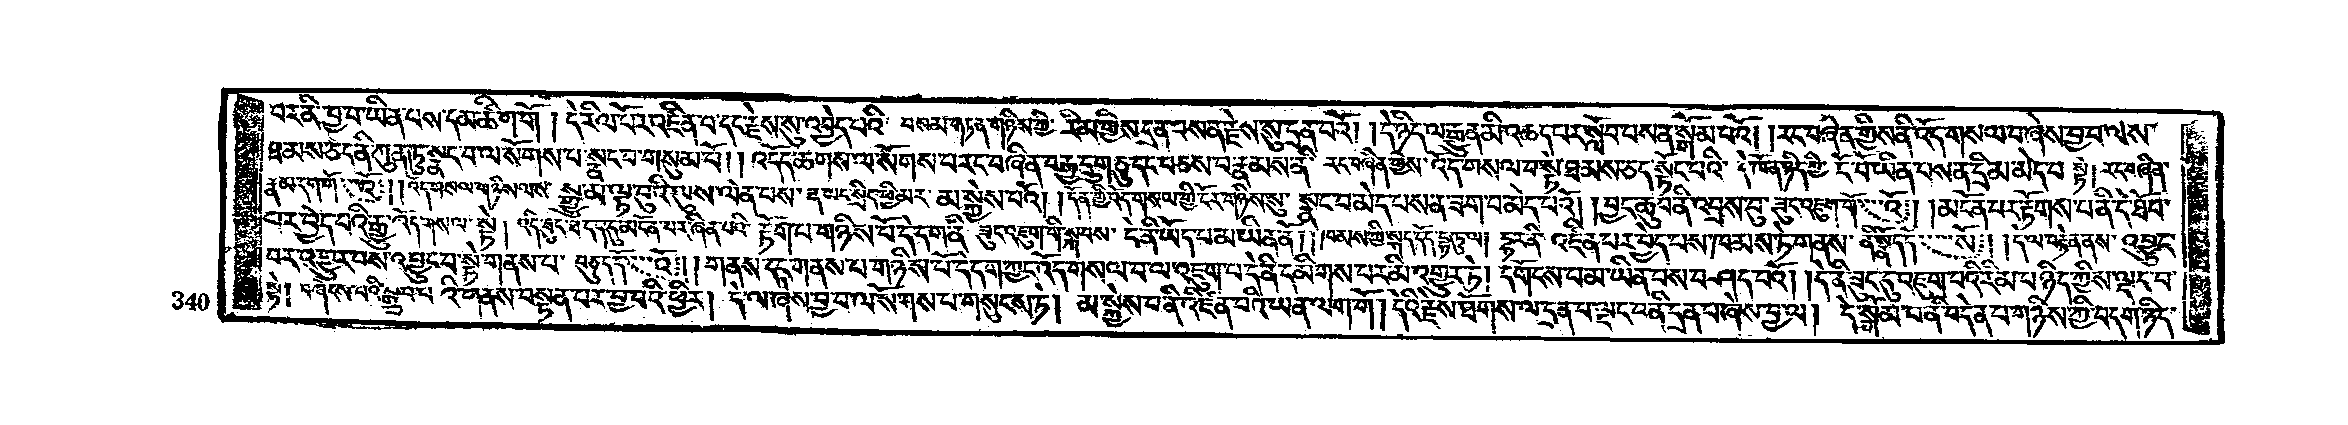བར་མི་བྱ་བ་ཡིན་པས་དམ་ཚིག་གོ །དེ་རིལ་པོར་འཛིན་པ་དང་རྗེས་སུ་འབྱེད་པའི་བསམ་གཏན་གཉིས་ཀྱི་རིམ་གྱིས་དྲན་པས་ན་རྗེས་སུ་དྲན་པའོ། །དེ་ཉིད་ལ་རྒྱུན་མི་འཆད་པར་སློབ་པས་ན་སྒོམ་པའོ། །རང་བཞིན་གྱིས་ནི་འོད་གསལ་བ་ཞེས་བྱ་བ་ལས་
ཐམས་ཅད་ནི་ཀུན་ཏུ་སྣང་བ་ལ་སོགས་པ་སྣང་བ་གསུམ་པོ། །འདོད་ཆགས་ལ་སོགས་པ་རང་བཞིན་བརྒྱ་དྲུག་ཅུ་དང་བཅས་པ་རྣམས་ནི་རང་བཞིན་གྱིས་འོད་གསལ་བ་སྟེ་ཐམས་ཅད་སྟོང་པའི་དེ་ཁོ་ན་ཉིད་ཀྱི་ངོ་བོ་ཡིན་པས་ན་དྲི་མ་མེད་པ་སྟེ། རང་བཞིན་
རྣམ་དག་གོ་འོ། ། འོད་གསལ་གཉིས་ལས་སྒྱུ་མ་ལྟ་བུའི་ལུས་ལེན་པས་ན་ཡང་སྲིད་ཕྱི་མར་མ་སྐྱེས་པའོ། ། དོན་གྱི་འོད་གསལ་གྱི་ངོར་གཉིས་སུ་སྲུང་བ་མེད་པས་ན་ཟག་པ་མེད་པའོ། །བྱང་ཆུབ་ནི་འབྲས་བུ་ཟུང་འཇུག་གོ་འོ། །མངོན་པར་རྟོགས་པ་ནི་དེ་ཐོབ་
པར་བྱེད་པའི་རྒྱུ་འོད་གསལ་སྟེ། འོད་ཕུང་ཐ་དད་དུ་མངོན་པར་ཞེན་པའི་རྟོག་པ་གཉིས་པོ་དེ་དག་ནི་ཟུང་འཇུག་གི་སྐབས་དེ་ནི་ཡོད་པ་མ་ཡིན་ནོ། ། ཁམས་ཀྱི་སྐད་དོད་དྷ་ཏུ་ལ། དྷ་ར་ནི་འཛིན་པར་བྱེད་པས་ཁམས་ཏེ་གནས་ནི་སྣོད་དོ་སོ། ། དེ་ལ་བརྟེན་ནས་འབྱུང་
བར་འགྱུར་བས་འབྱུང་བ་སྟེ་གནས་པ་བཅུད་དོ་འོ། །གནས་དང་གནས་པ་གཉིས་པོ་དེ་དག་ཀྱང་འོད་གསལ་བ་ལ་འཇུག་པ་དེ་ནི་དམིགས་པར་མི་འགྱུར་ཏེ། དགོངས་པ་མ་ཡིན་པས་བཤད་པའོ། །དེ་ནི་ཟུང་དུ་འཇུག་པའི་རིམ་པ་ཉིད་ཀྱིས་ལྡང་བ་
སྟེ། བཞངས་པའི་སྤྲུལ་པའི་གནས་བསྟན་པར་བྱ་བའི་ཕྱིར། དེ་ལ་ཞེས་བྱ་བ་ལ་སོགས་པ་གསུངས་ཏེ། མ་སྐྱེས་པ་ནི་འཛིན་པའི་ཡན་ལག་གོ །དེའི་རྗེས་ཐོགས་ལ་དྲན་པ་ལྡང་བ་ནི་དྲན་པ་ཞེས་བྱ་ལ། དེ་སྒོམ་པ་ནི་བདེན་པ་གཉིས་ཀྱི་བདག་ཉིད་